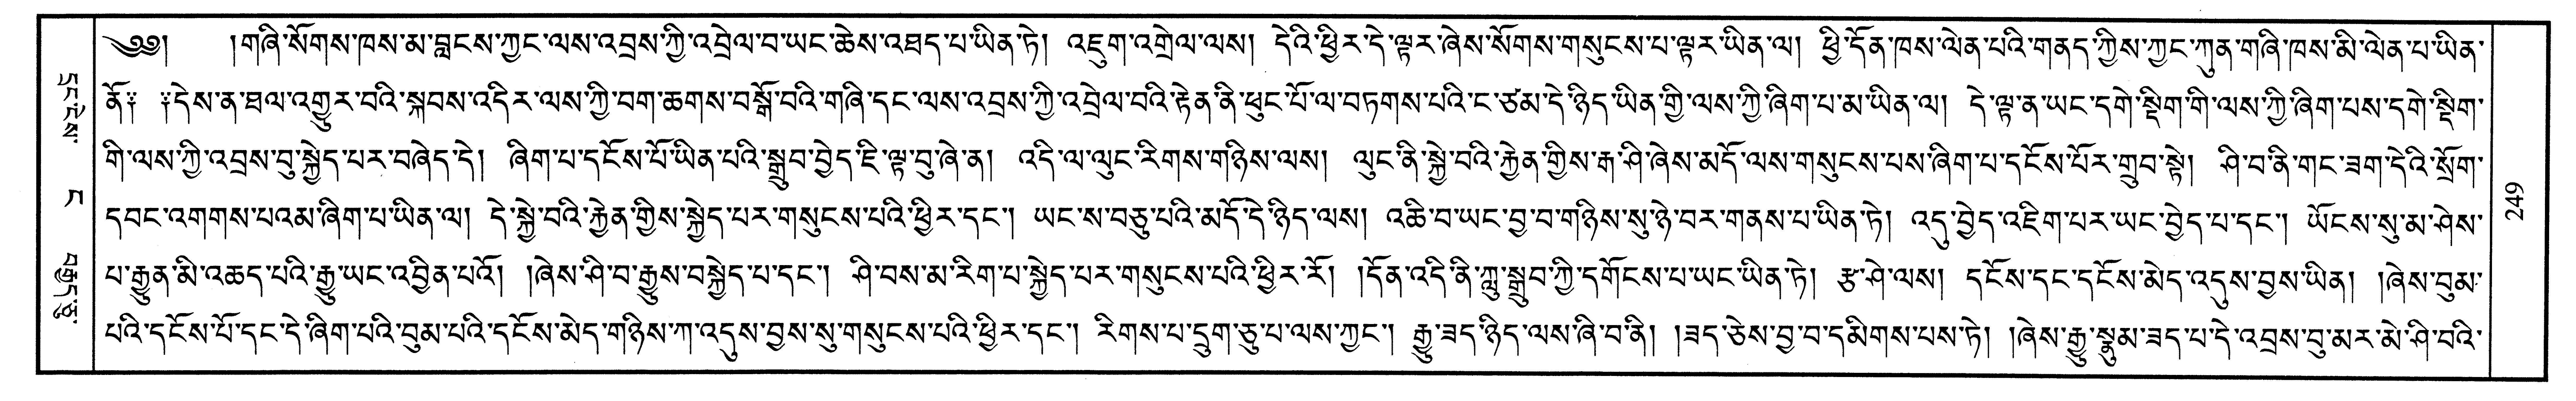༄༅། །གཞི་སོགས་ཁས་མ་བླངས་ཀྱང་ལས་འབྲས་ཀྱི་འབྲེལ་བ་ཡང་ཆེས་འཐད་པ་ཡིན་ཏེ། འཇུག་འགྲེལ་ལས། དེའི་ཕྱིར་དེ་ལྟར་ཞེས་སོགས་གསུངས་པ་ལྟར་ཡིན་ལ། ཕྱི་དོན་ཁས་ལེན་པའི་གནད་ཀྱིས་ཀྱང་ཀུན་གཞི་ཁས་མི་ལེན་པ་ཡིན་
ནོ༑ ༑དེས་ན་ཐལ་འགྱུར་བའི་སྐབས་འདིར་ལས་ཀྱི་བག་ཆགས་བསྒོ་བའི་གཞི་དང་ལས་འབྲས་ཀྱི་འབྲེལ་བའི་རྟེན་ནི་ཕུང་པོ་ལ་བཏགས་པའི་ང་ཙམ་དེ་ཉིད་ཡིན་གྱི་ལས་ཀྱི་ཞིག་པ་མ་ཡིན་ལ། དེ་ལྟ་ན་ཡང་དགེ་སྡིག་གི་ལས་ཀྱི་ཞིག་པས་དགེ་སྡིག་
གི་ལས་ཀྱི་འབྲས་བུ་སྐྱེད་པར་བཞེད་དེ། ཞིག་པ་དངོས་པོ་ཡིན་པའི་སྒྲུབ་བྱེད་ཇི་ལྟ་བུ་ཞེ་ན། འདི་ལ་ལུང་རིགས་གཉིས་ལས། ལུང་ནི་སྐྱེ་བའི་རྐྱེན་གྱིས་རྟ་ཤི་ཞེས་མདོ་ལས་གསུངས་པས་ཞིག་པ་དངོས་པོར་གྲུབ་སྟེ། ཤི་བ་ནི་གང་ཟག་དེའི་སྲོག་
དབང་འགགས་པའམ་ཞིག་པ་ཡིན་ལ། དེ་སྐྱེ་བའི་རྐྱེན་གྱིས་སྐྱེད་པར་གསུངས་པའི་ཕྱིར་དང་། ཡང་ས་བཅུ་པའི་མདོ་དེ་ཉིད་ལས། འཆི་བ་ཡང་བྱ་བ་གཉིས་སུ་ཉེ་བར་གནས་པ་ཡིན་ཏེ། འདུ་བྱེད་འཇིག་པར་ཡང་བྱེད་པ་དང་། ཡོངས་སུ་མ་ཤེས་
པ་རྒྱུན་མི་འཆད་པའི་རྒྱུ་ཡང་འབྱིན་པའོ། །ཞེས་ཤི་བ་རྒྱུས་བསྐྱེད་པ་དང་། ཤི་བས་མ་རིག་པ་སྐྱེད་པར་གསུངས་པའི་ཕྱིར་རོ། །དོན་འདི་ནི་ཀླུ་སྒྲུབ་ཀྱི་དགོངས་པ་ཡང་ཡིན་ཏེ། རྩ་ཤེ་ལས། དངོས་དང་དངོས་མེད་འདུས་བྱས་ཡིན། །ཞེས་བུམ་
པའི་དངོས་པོ་དང་དེ་ཞིག་པའི་བུམ་པའི་དངོས་མེད་གཉིས་ཀ་འདུས་བྱས་སུ་གསུངས་པའི་ཕྱིར་དང་། རིགས་པ་དྲུག་ཅུ་པ་ལས་ཀྱང་། རྒྱུ་ཟད་ཉིད་ལས་ཞི་བ་ནི། །ཟད་ཅེས་བྱ་བ་དམིགས་པས་ཏེ། །ཞེས་རྒྱུ་སྣུམ་ཟད་པ་དེ་འབྲས་བུ་མར་མེ་ཤི་བའི་